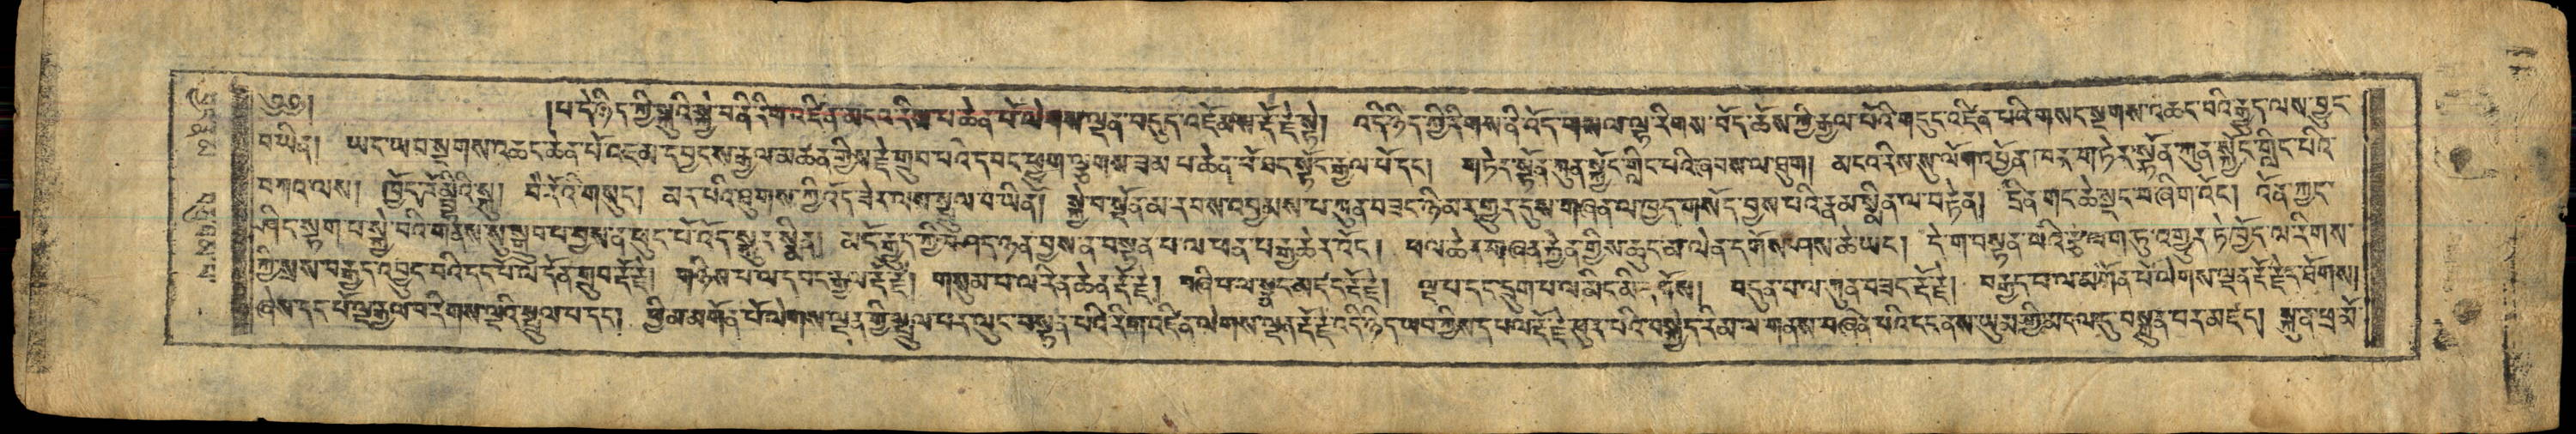༄༅། །པ་དེ་ཉིད་ཀྱི་སྐུའི་སྐྱེ་བ་ནི་རིག་འཛིན་མངའ་རིས་པ་ཆེན་པོ་ལེགས་ལྡན་བདུད་འཇོམས་རྡོ་རྗེ་སྟེ། འདི་ཉིད་ཀྱི་རིགས་ནི་འོད་གསལ་ལྷ་རིགས་བོད་ཆོས་ཀྱི་རྒྱལ་པོའི་གདུང་འཛིན་པའི་གསང་སྔགས་འཆད་པའི་རྒྱུད་ལ་སོ་བྱུང་
བ་ཡིན། ཡར་ཡབ་སྔགས་འཆང་ཆེན་པོ་འཇམ་དབྱངས་རྒྱལ་མཚན་གྱིས་རྗེ་གྲུབ་པའི་དབང་ཕྱུག་ལྕགས་ཟམ་པ་ཆེན་པོ་ཐང་སྟོང་རྒྱལ་པོ་དང་། གཏེར་སྟོན་ཀུན་སྐྱོང་གླིང་པའི་ཞབས་ལ་ཐུག། མངའ་རིས་སུ་ལོག་འབྱོན་ཁར་གཏེར་སྟོན་ཀུན་སྐྱོང་གླིང་པའི་
བཀའ་ལས། ཁྱོད་ཌོམྦྷིའི་སྐུ། བཻ་རོའི་གསུང་། མར་པའི་ཐུགས་ཀྱི་འོད་ཟེར་ལས་སྤྲུལ་པ་ཡིན། སྐྱེ་བ་སྔོན་མ་རབས་འབྱམས་པ་ཀུན་བཟང་ཉི་མར་གྱུར་དུས་གཞན་ལ་ཁྱད་གསོད་བྱས་པའི་རྣམ་སྨིན་ལ་བརྟེན། དྲིན་གང་ཆ་སྡང་བ་ཞིག་འོང་། འོན་ཀྱང་
ཤིང་སྟག་པ་སྐྱེ་བའི་གནས་སུ་སྒྲུབ་པ་བྱས་ན་ཕུང་པོ་འོད་སྐུར་སྨིན། མདོ་རྒྱུད་ཀྱི་བཤད་ཉན་བྱས་ན་བསྟན་པ་ལ་ཕན་པ་རྒྱ་ཆེར་འོང་། ཕལ་ཆེར་གཞན་རྐྱེན་གྱིས་ཆུང་མ་ལེན་དགོས་ཤས་ཆེ་ཡང་། དེ་ག་བསྟན་པའི་རྩ་ལག་ཏུ་འགྱུར་ཏེ་ཁྱོད་ལ་རིགས་
ཀྱི་སྲས་བརྒྱད་འབྱུང་བའི་དང་པོ་ལ་དོན་གྲུབ་རྡོ་རྗེ། གཉིས་པ་ལ་དབང་རྒྱལ་རྡོ་རྗེ། གསུམ་པ་ལ་རིན་ཆེན་རྡོ་རྗེ། བཞི་པ་ལ་སྣང་མཛད་རྡོ་རྗེ། ལྔ་པ་དང་དྲུག་པ་ལ་མིང་མི་དགོས། བདུན་པ་ལ་ཀུན་བཟང་རྡོ་རྗེ། བརྒྱད་པ་ལ་མགོན་པོ་ལེགས་ལྡན་རྡོ་རྗེར་ཐོགས།
ཞེས་དང་པོ་ལྔ་རྒྱལ་བ་རིགས་ལྔའི་སྤྲུལ་པ་དང་། ཕྱི་མ་མགོན་པོ་ལེགས་ལྡན་གྱི་སྤྲུལ་པར་ལུང་བསྟན་པའི་རིག་འཛིན་ལེགས་ལྡན་རྡོ་རྗེ་འདི་ཉིད་ཡབ་ཀྱིས་དཔལ་རྡོ་རྗེ་ཕུར་པའི་བསྐྱེད་རིམ་ལ་གནས་བཞིན་པའི་ངང་ནས་ཡུམ་གྱི་མངལ་དུ་བསྐྲུན་པར་མཛད། སྐུ་ན་ཕྲ་མོ་